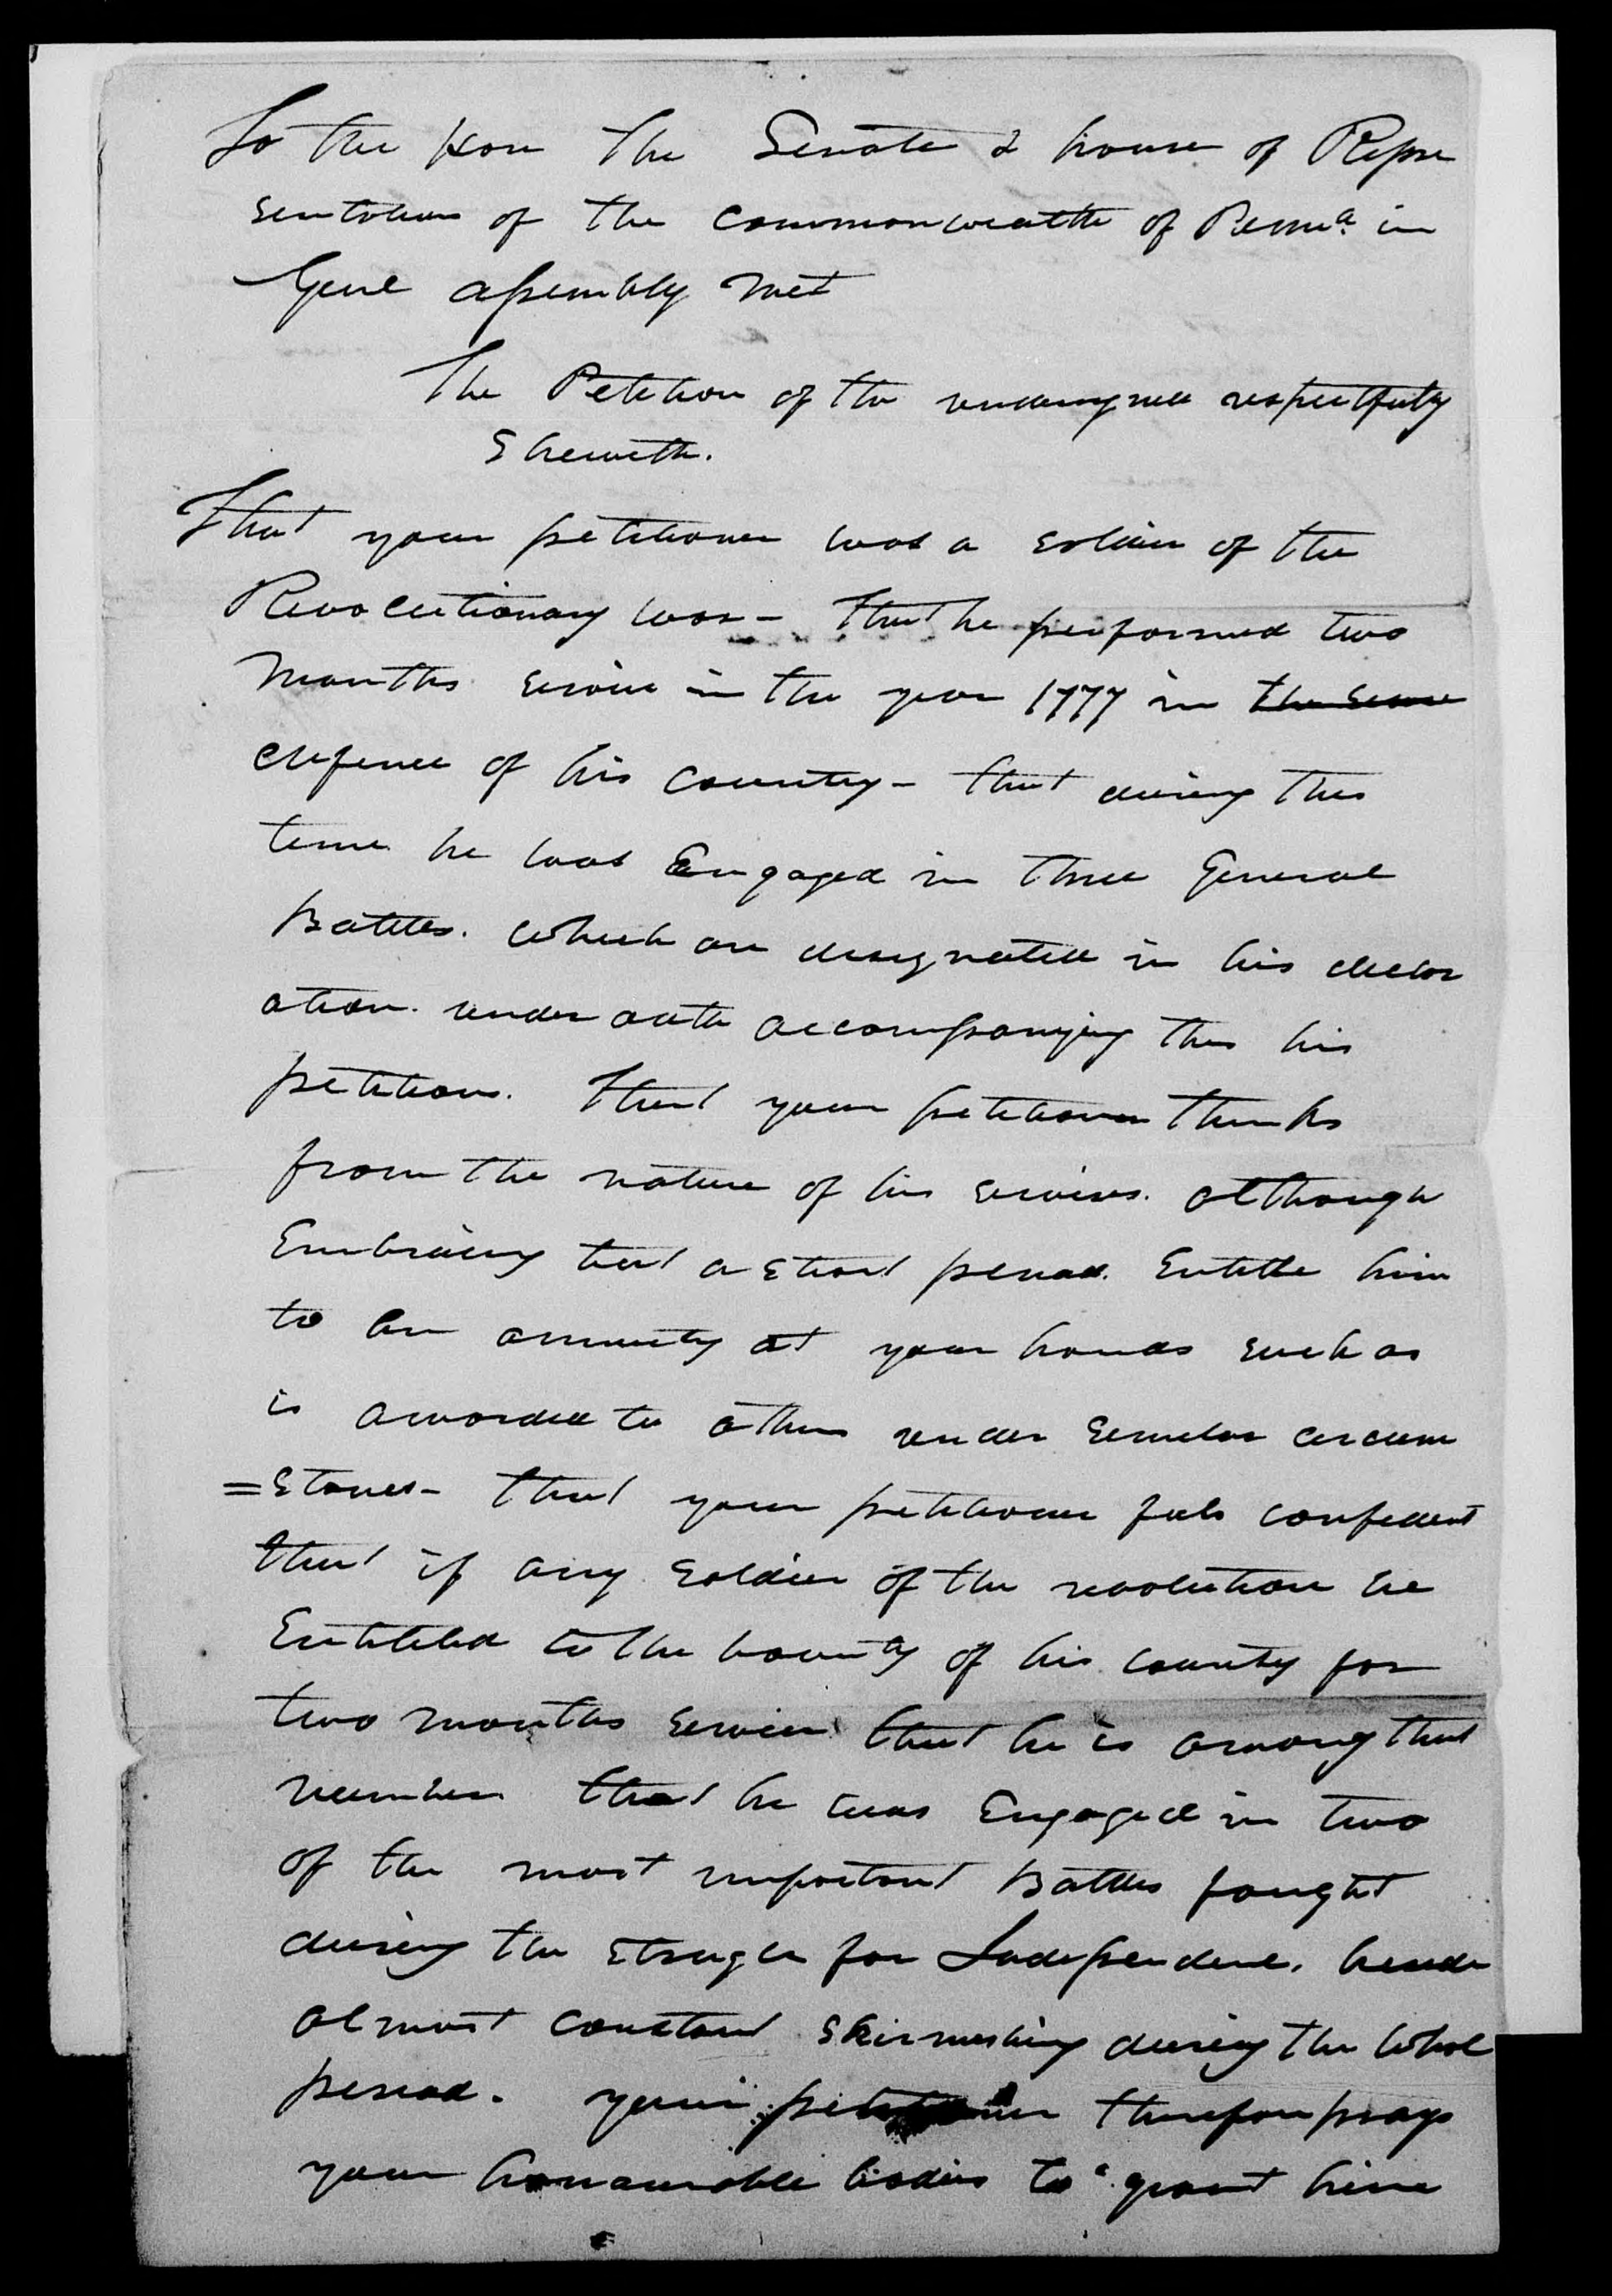to the [illegible] the Senate & house of Representatives of the Commonwealth of Penna in Genl Assembly met
The Petition of the undersigned respectfully
Sheweth
That your petitioner was a soldier of the
Revolutionary war that he performed two
months service in the year 1777 in the
defence of his country. that during this
time he was engaged in three general
Battles. which are designated in his declaration under oath accompanying this his
petition. That your petitioner thinks
from the nature of his services. Although
Embracing but a short period entitle him
to an annuity at your hands such as
awarded to others under similar circumstances that your petitioner feels confident
that if any soldier of the revolution be
entitled to the bounty of his country for
two months that he is among that
number that he was engaged in two
of the most important Battles fought
during the strugle for Independence, and
Almost Constant skirmishing during the whole period. your petitioner therefore prays
your honorable bodies to grant him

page: 80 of 81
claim: survivor's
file: S. 1908, Richard Harper, N.C.